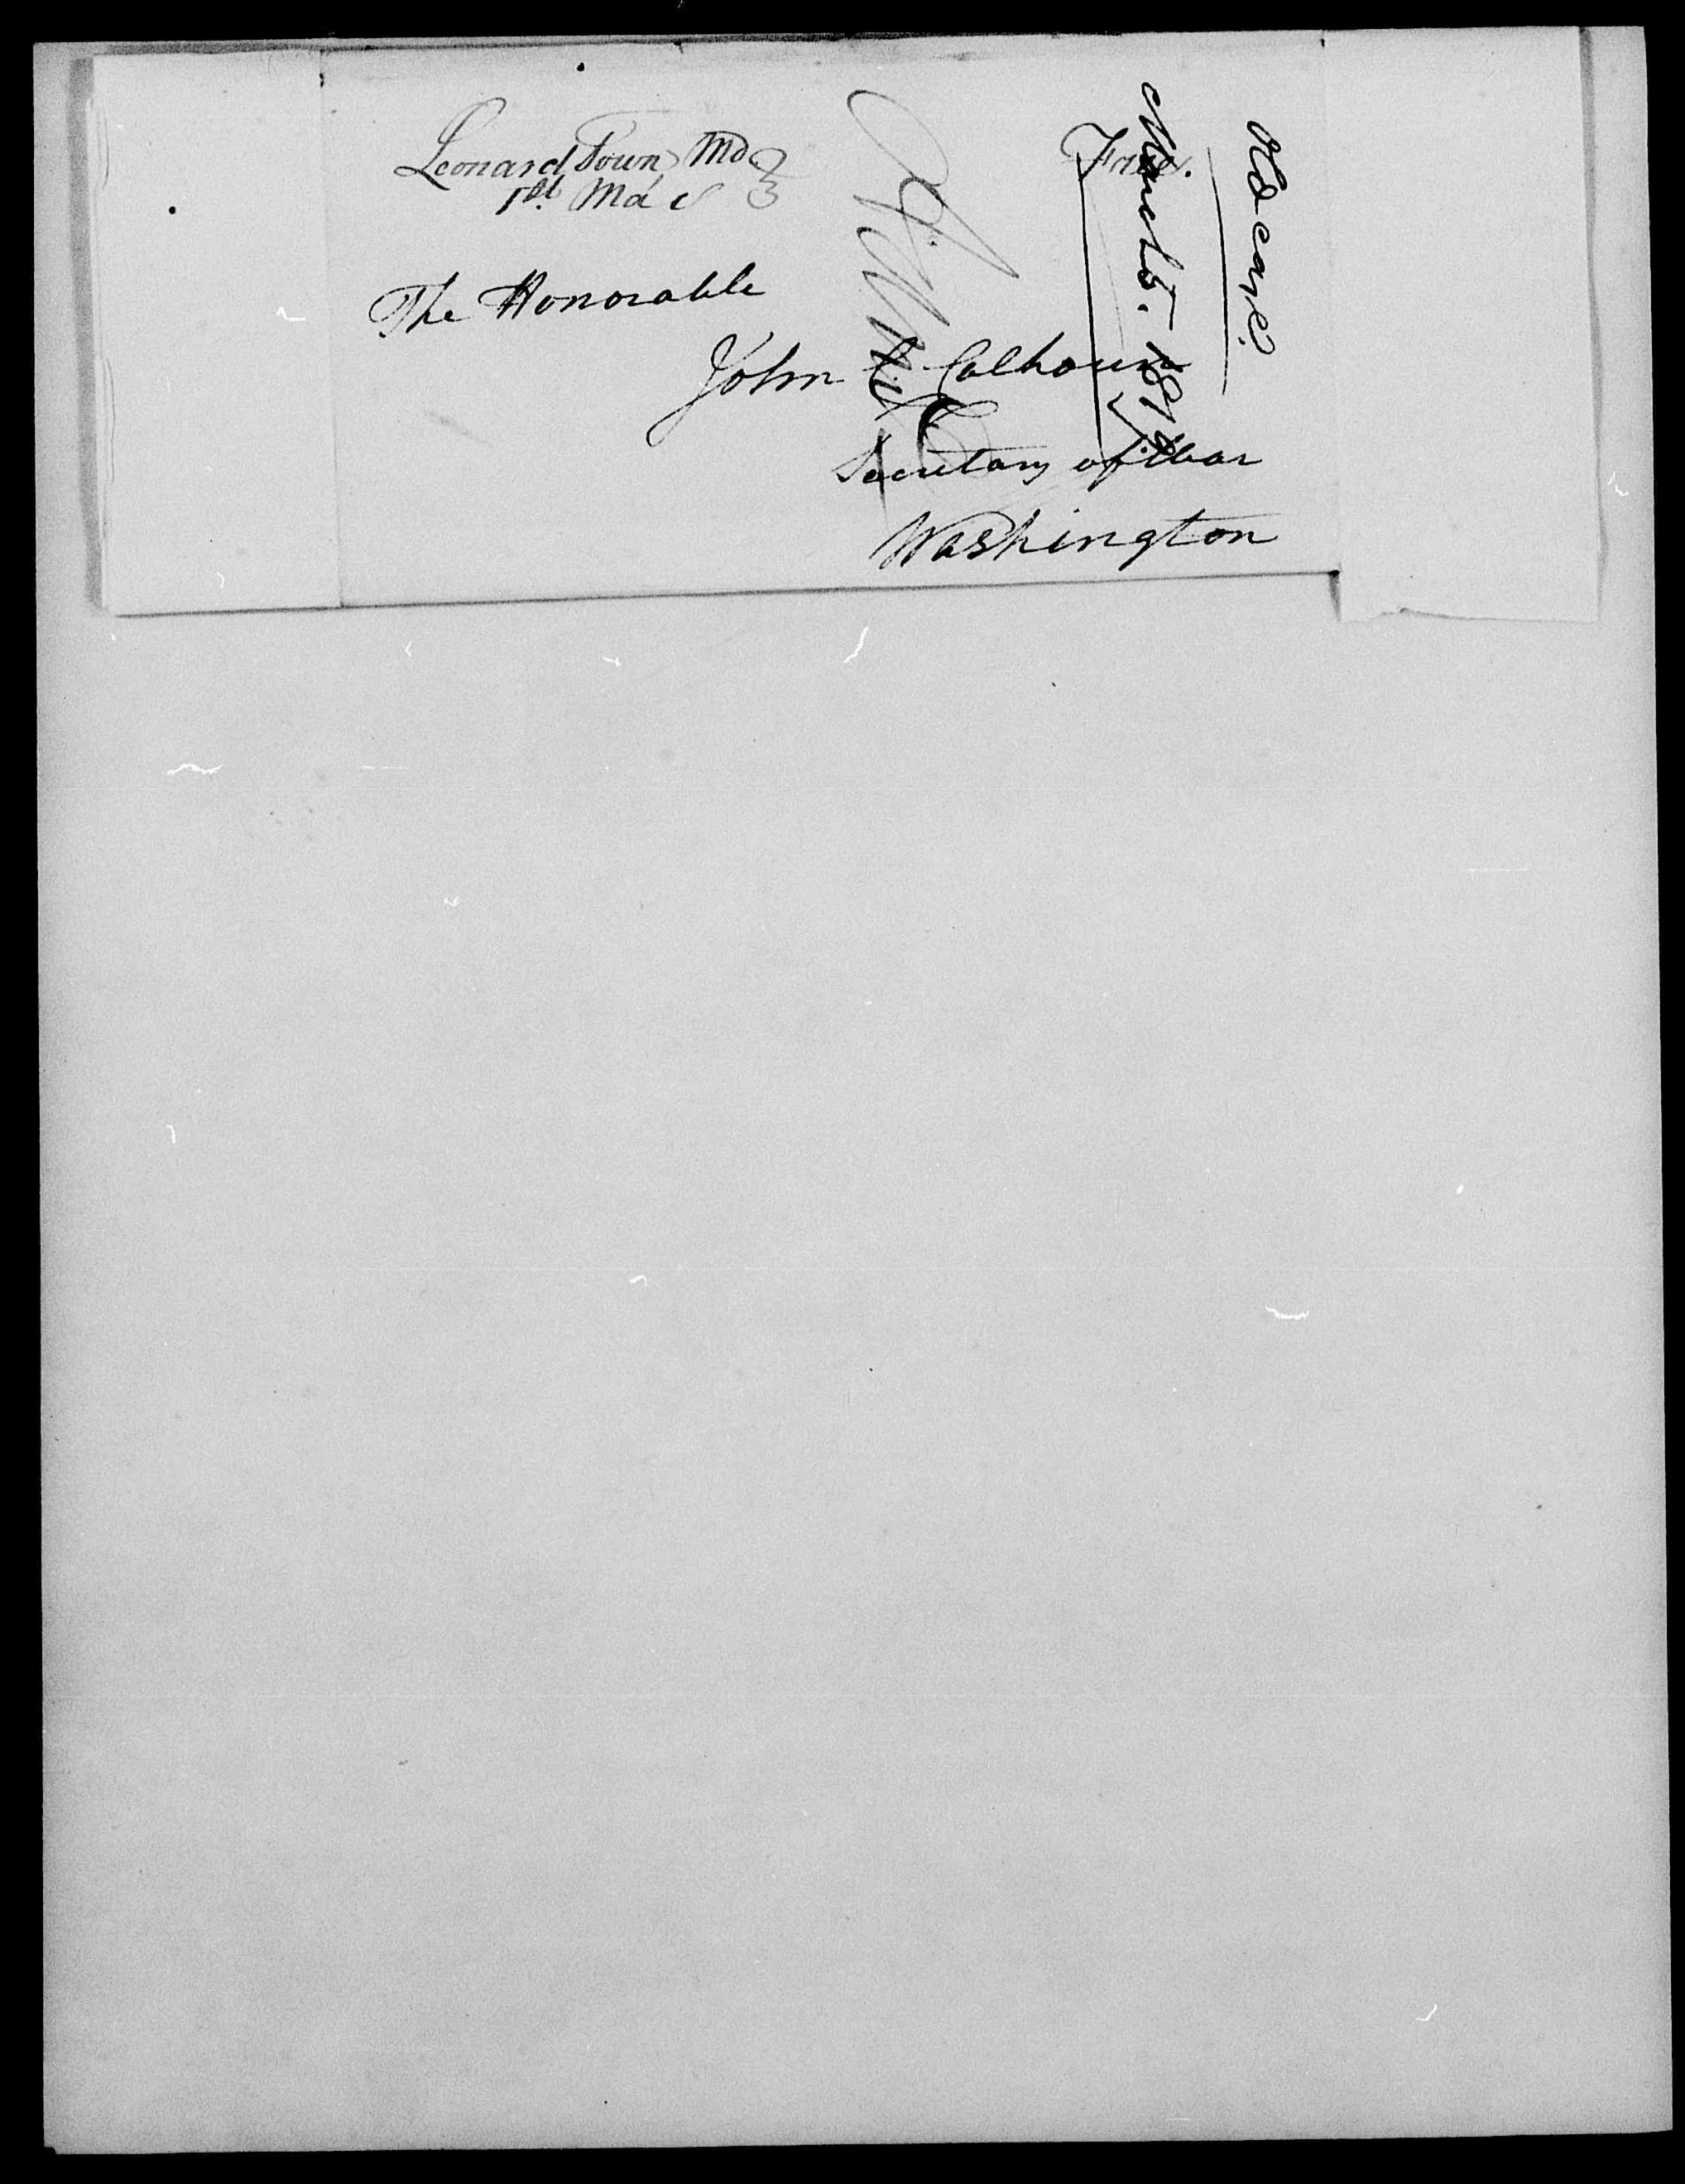Leonardtown Md.}
1st March}

Free

The Honorable
John C. Calhoun
Secretary of War
Washington

[written sideways] old case March 5, 1819
Admd [Admitted]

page: 16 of 17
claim: survivor's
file: S. 34980, for William Mc Gee, Maryland